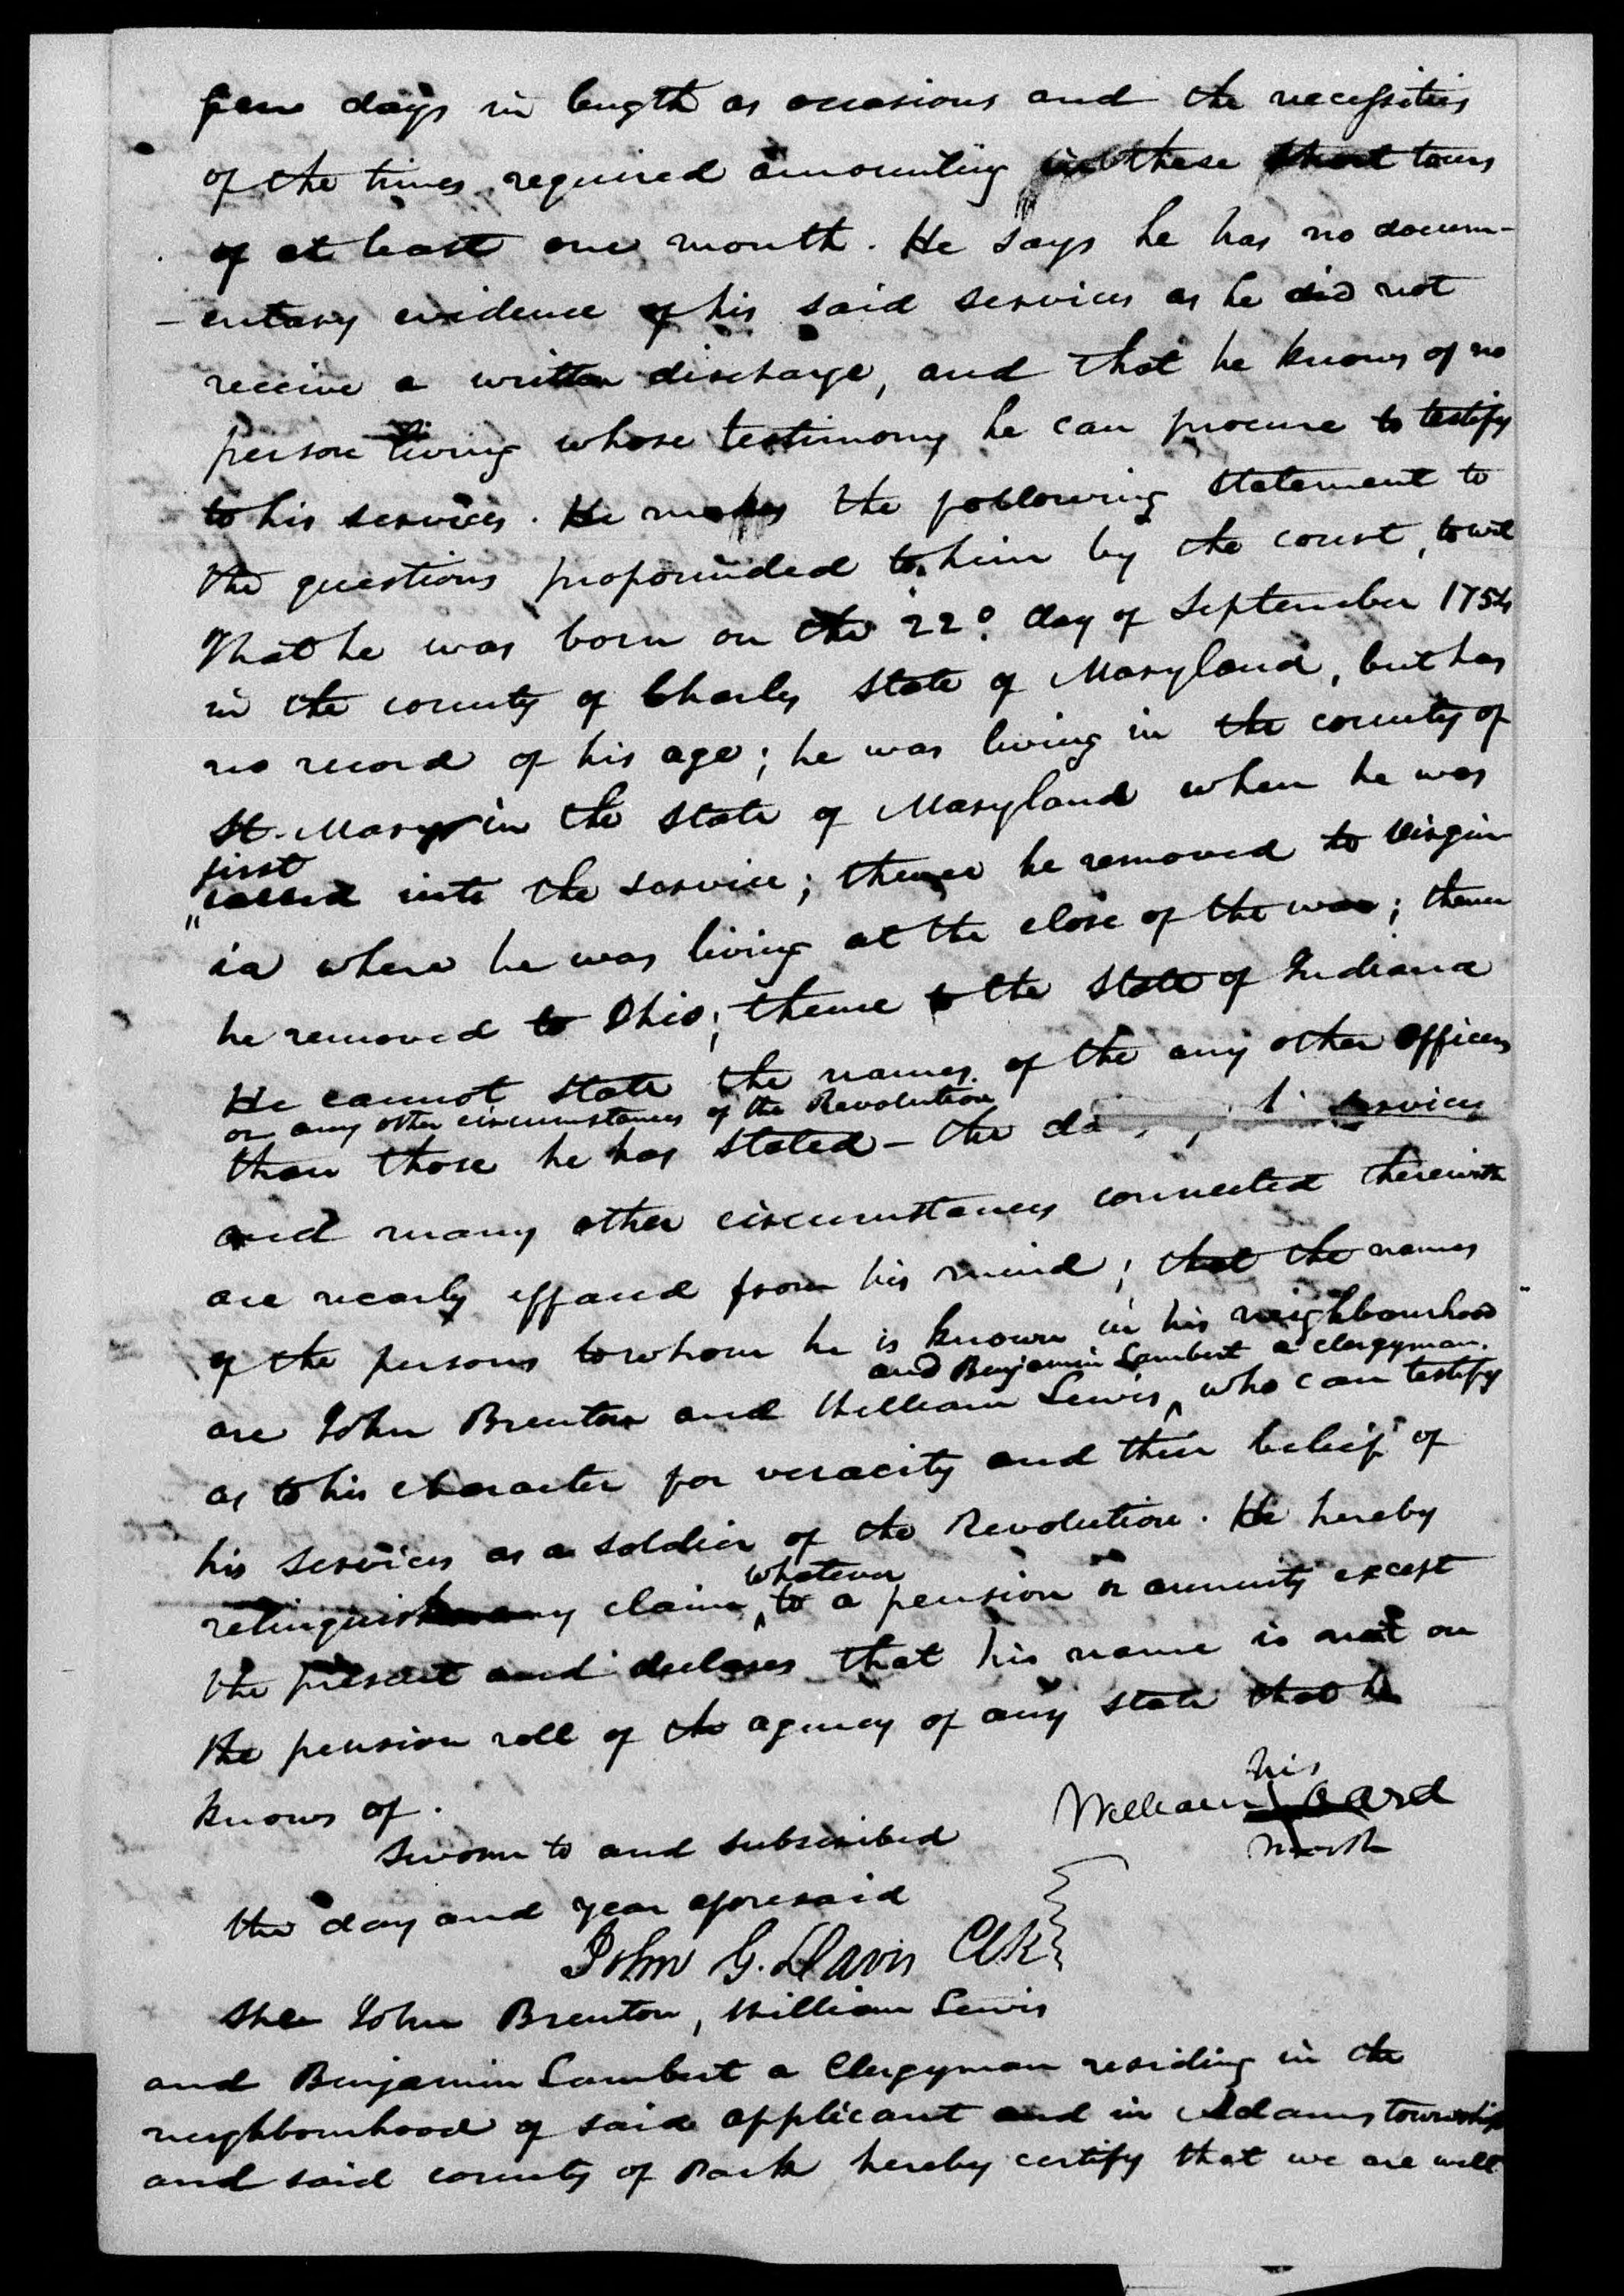few days in length on occasions and the necessaries of the times required accounting in these short tours of at least one month. He says he has no documentary evidence of his said services as he did not receive a written discharge, and that he knows of no person living whose testimony he can procure to testify to his services. He makes the following statement tot he questions propounded to him by the court to wit: That he was born on the 22nd day of September 1754 in the county of Charles state of Maryland but has no record of his age; he was living in the county of St Mary's in the state of Maryland when he was first called into the service; thence he removed to Virginia where he was living at the close of the war; thence he removed to Ohio; thence to the state of Indiana/ He cannot state the names of the any other officers or any other circumstances of the Revolution other than those he has stated - of his services and many other circumstances connected therewith are nearly of and from his mind; that the names of the persons to whom he is known in his neighborhood are John Brenton and William Lewis and Benjamin Lambert a clergyman who can testify as to his character for veracity and their belief of his services as a soldier of the revolution. He hereby relinquishes any claims whatever to a pension or annuity except the present and declares that his name is not on the pension roll of the agency of any state that he knows of.

William Oard
His X Mark

Sworn to and subscribed the day and year aforesaid.

John G Davis - Clerk

We John Brenton, William Lewis and Benjamin Lambert a clergyman residing in the neighborhood of said applicant and in Adams Township and said county of Park hereby certify that we are well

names: Benjamin Lambert; William Lewis; John G Davis; John Brenton; William Oard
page: 8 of 18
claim: survivor's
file: S. 16,496, for William Oard, Maryland